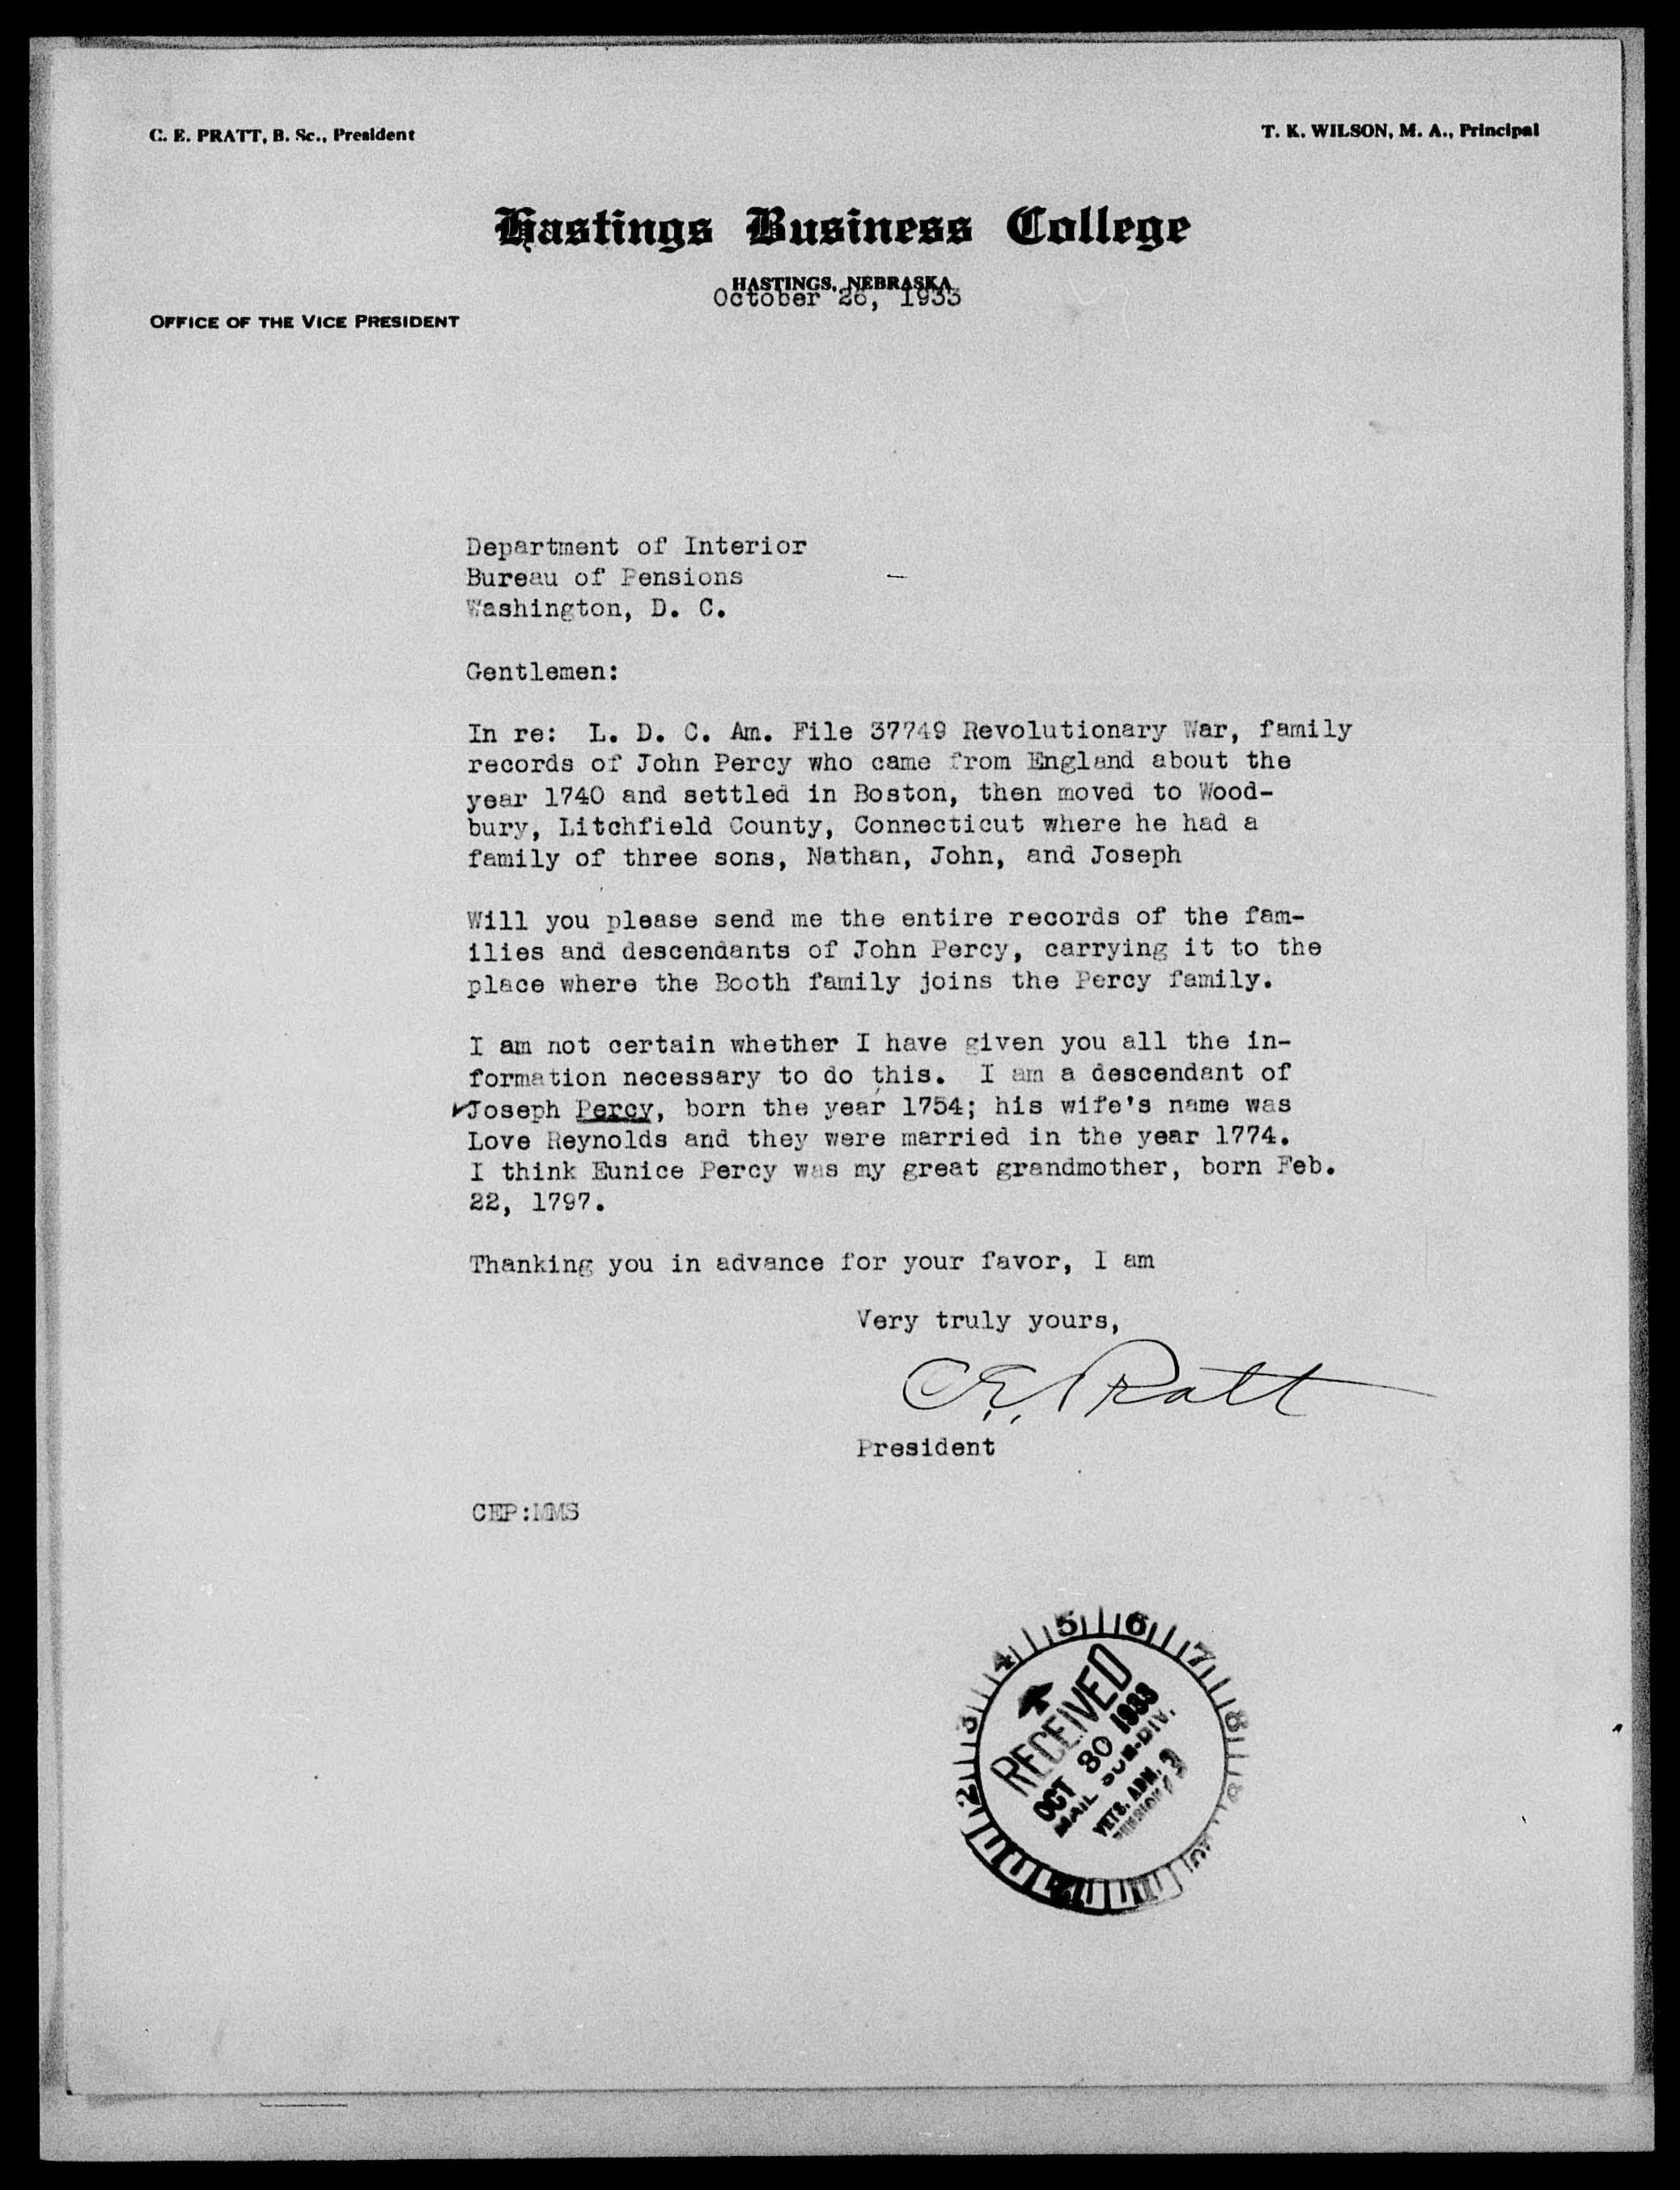C.E. PRATT, B, SC., President
T.K. WILSON, M.A., Principal

         Hastings Business College
              Hastings, Nebraska
                October 26, 1935

OFFICE OF THE VICE PRESIDENT

Department of Interior
Bureau of Pension
Washington, D.C.

Gentlemen:

In re:  L.D.C. Am. File 37749 Revolutionary War, family records of John Percy who came from England about the year 1740 and settled in Boston, then moved to Woodbury, Litchfield County, Connecticut where he had a family of three sons, Nathan, John, and Joseph

Will you please send me the entire records of the families and descendants of John Percy, carrying it to the place where the Booth family joins the Percy family.

I am not certain whether I have given you all the information necessary to do this.  I am a descendant of  Joseph Percy, born the year 1754; his wife's name was Love Reynolds and they were married in the year 1774.  I think Eunice Percy was my great grandmother, born Feb. 22, 1797.

Thanking you in advance for your favor, I am
                        Very truly yours,

                        C.E. PRATT [signature]
                         President
CEP: MMS

          [stamped] RECIEVED Oct 30 1933,
                           Mail Sub-Div
                            Vets. Adm.
                             Division 3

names: Love Reynolds; T K Wilson; Nathan [BLANK]; Eunice Percy; John [BLANK]; C E Pratt; John Percy; Joseph Percy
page: 20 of 20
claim: rejected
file: R. 17029, for Joseph Percy, Connecticut